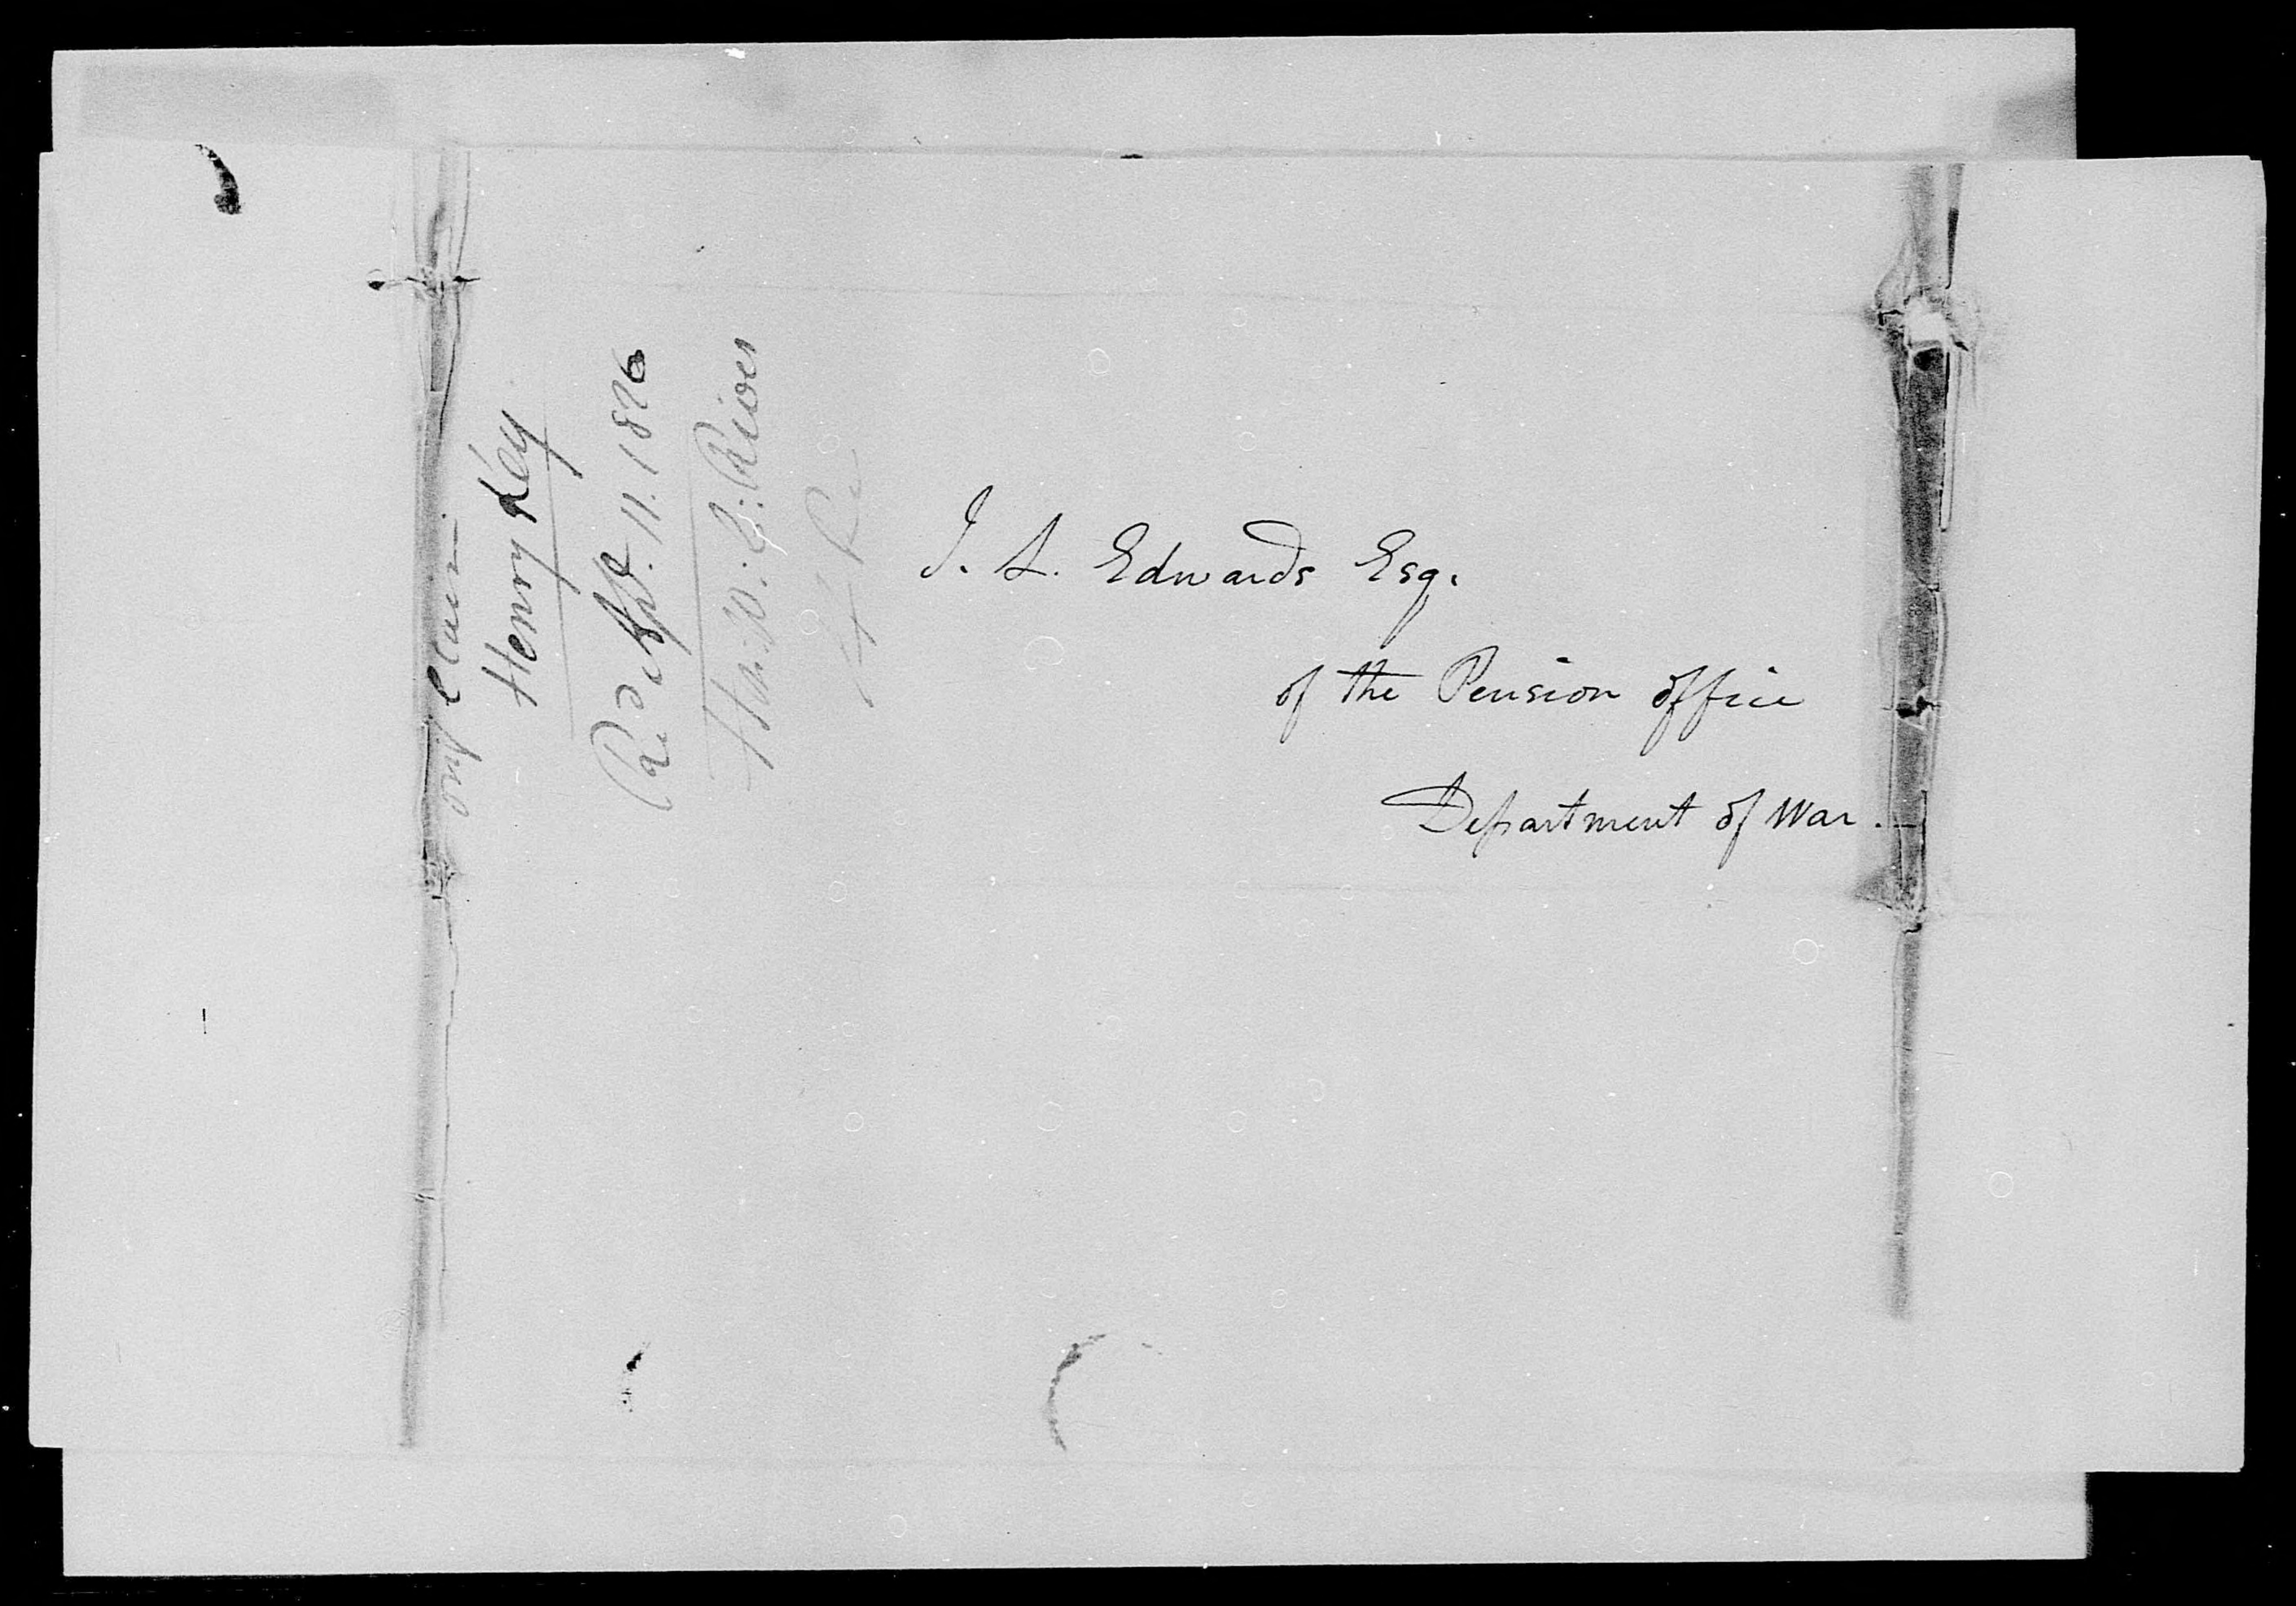Page 10

'---
Henry Key
the
W.C. Rives
12811
.
J.L. Edwards Esq
of the Pension office
Department of War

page: 10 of 25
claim: survivor's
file: S 38116, for Henry Key, Virginia